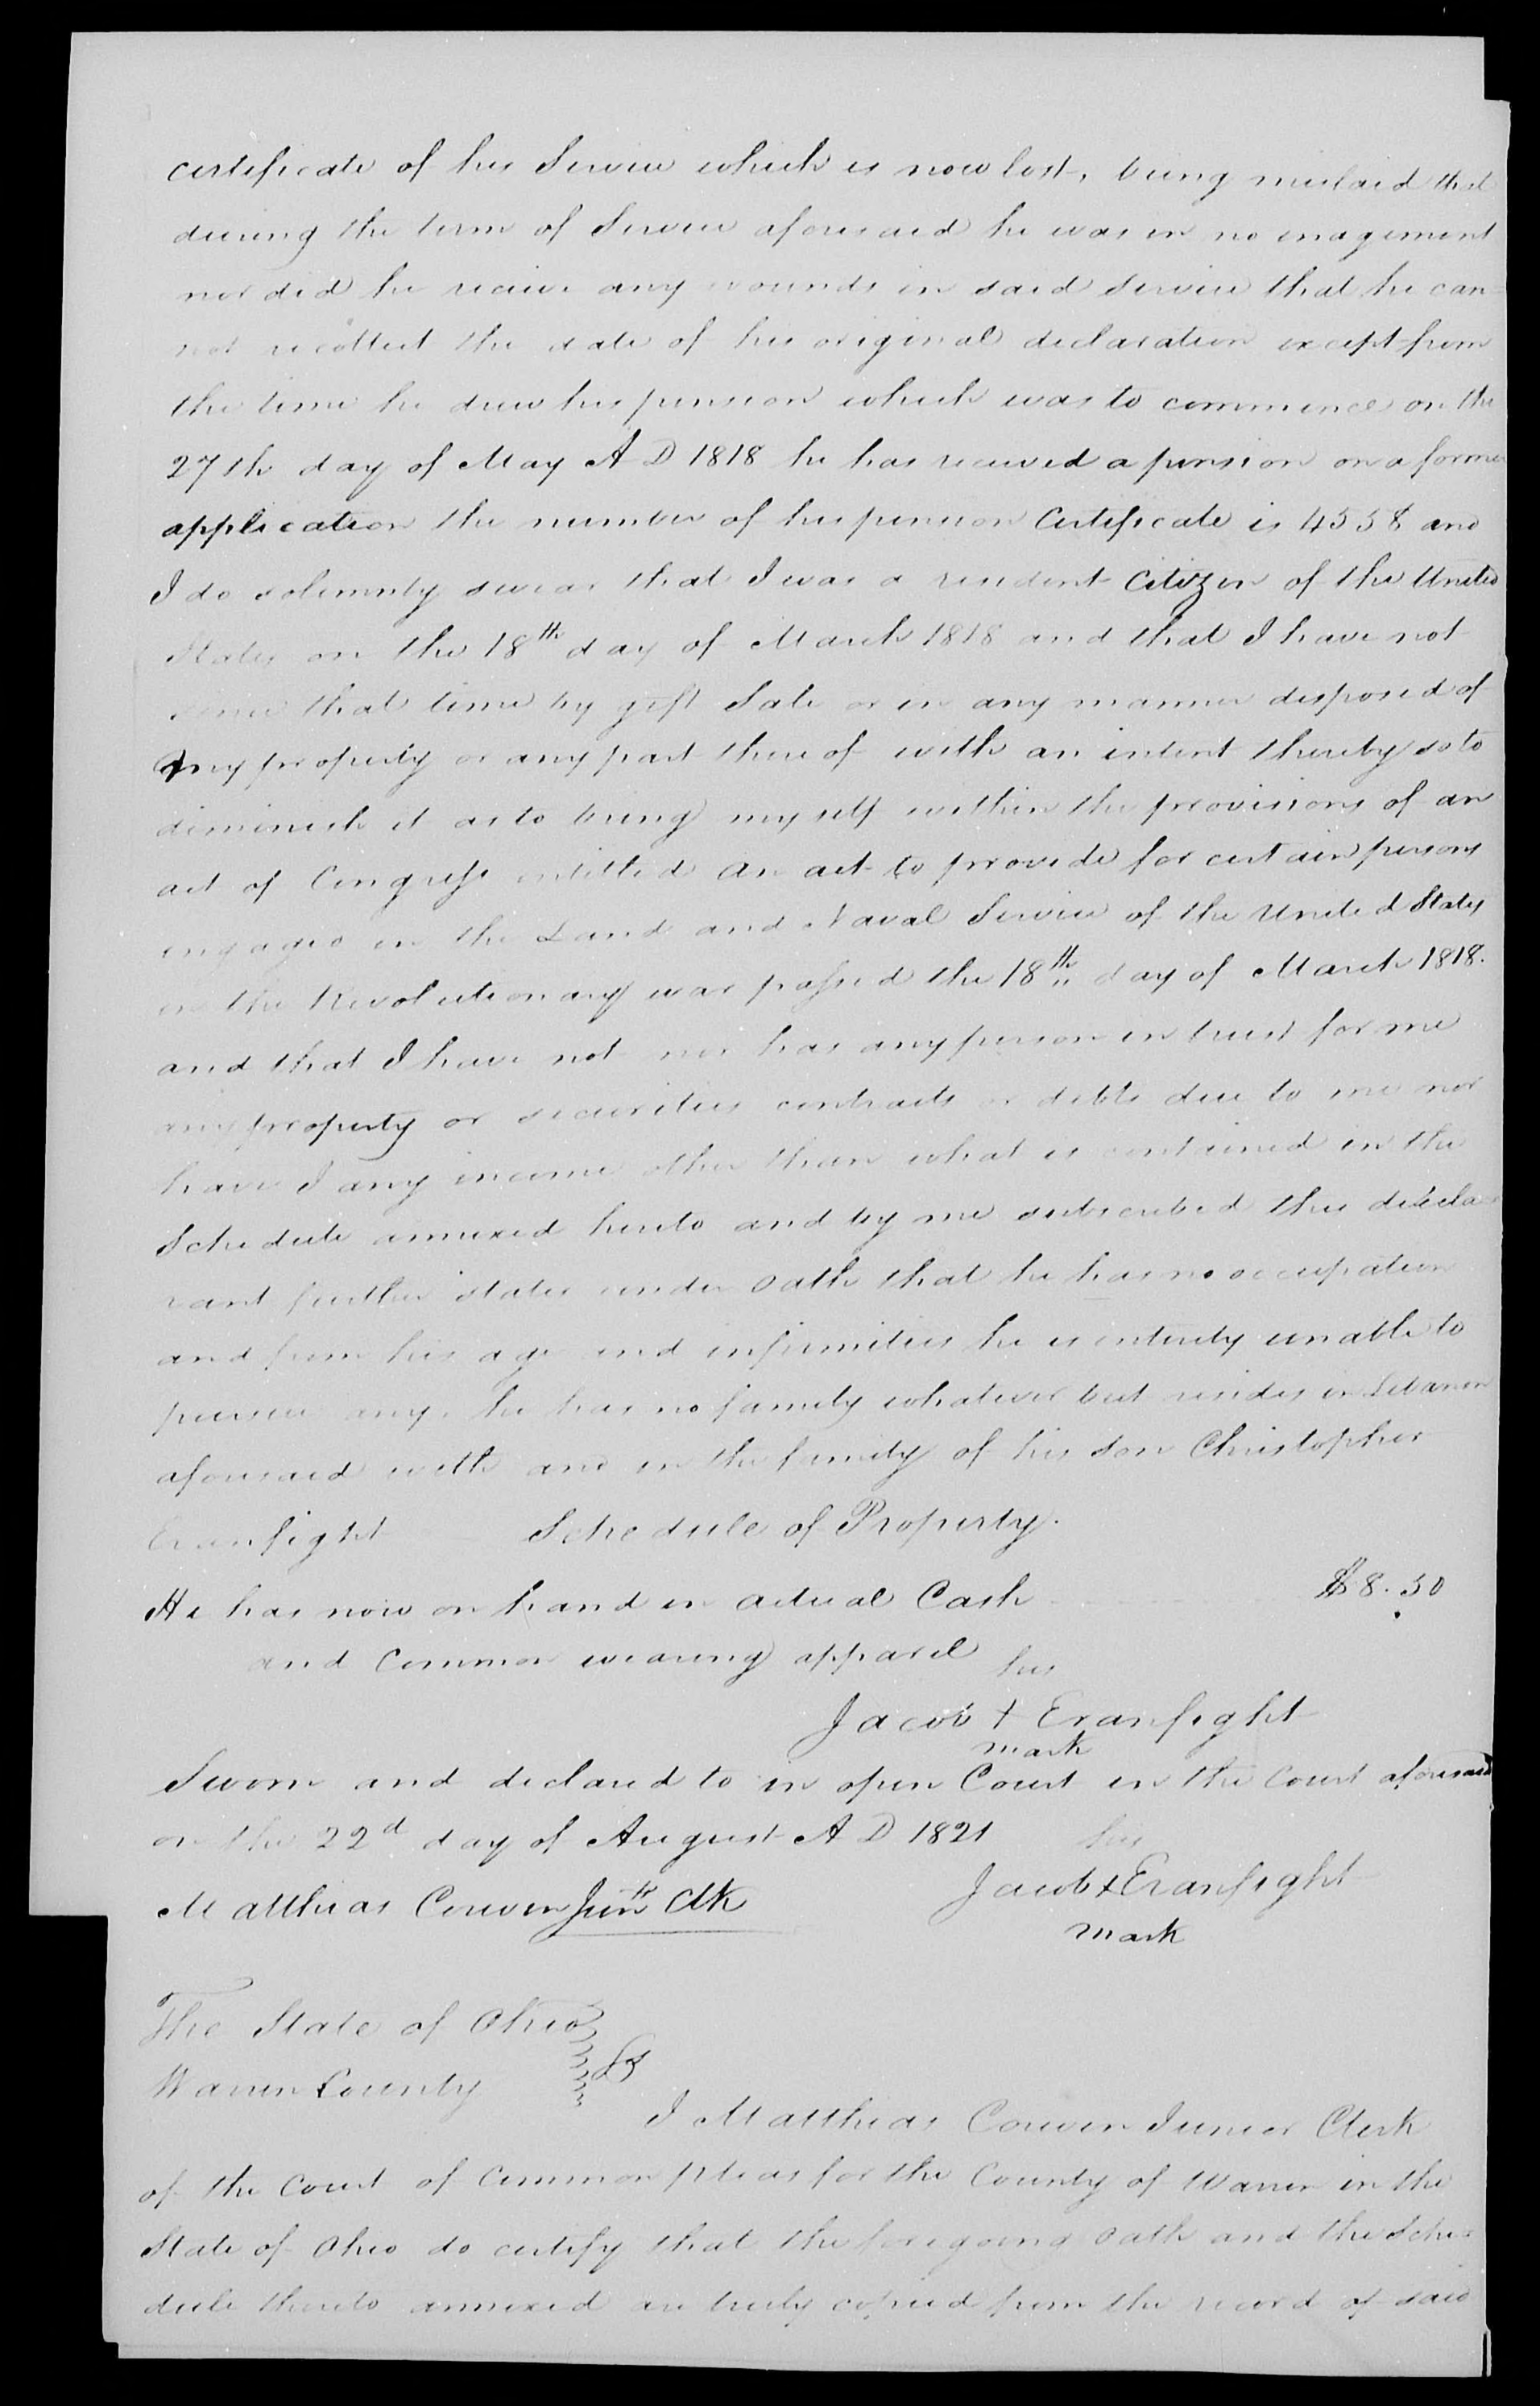certificate of his service which is now lost, being mislaid that
during the term of service aforesaid he was in no engagement
nor did he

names: Jacob Eranfight, Jacob Eranfight, Matthias Corwin, Matthias Corwin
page: 8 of 21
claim: survivor's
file: S. 42691, Jacob Earenfight, Continental Ohio Residence And Agency